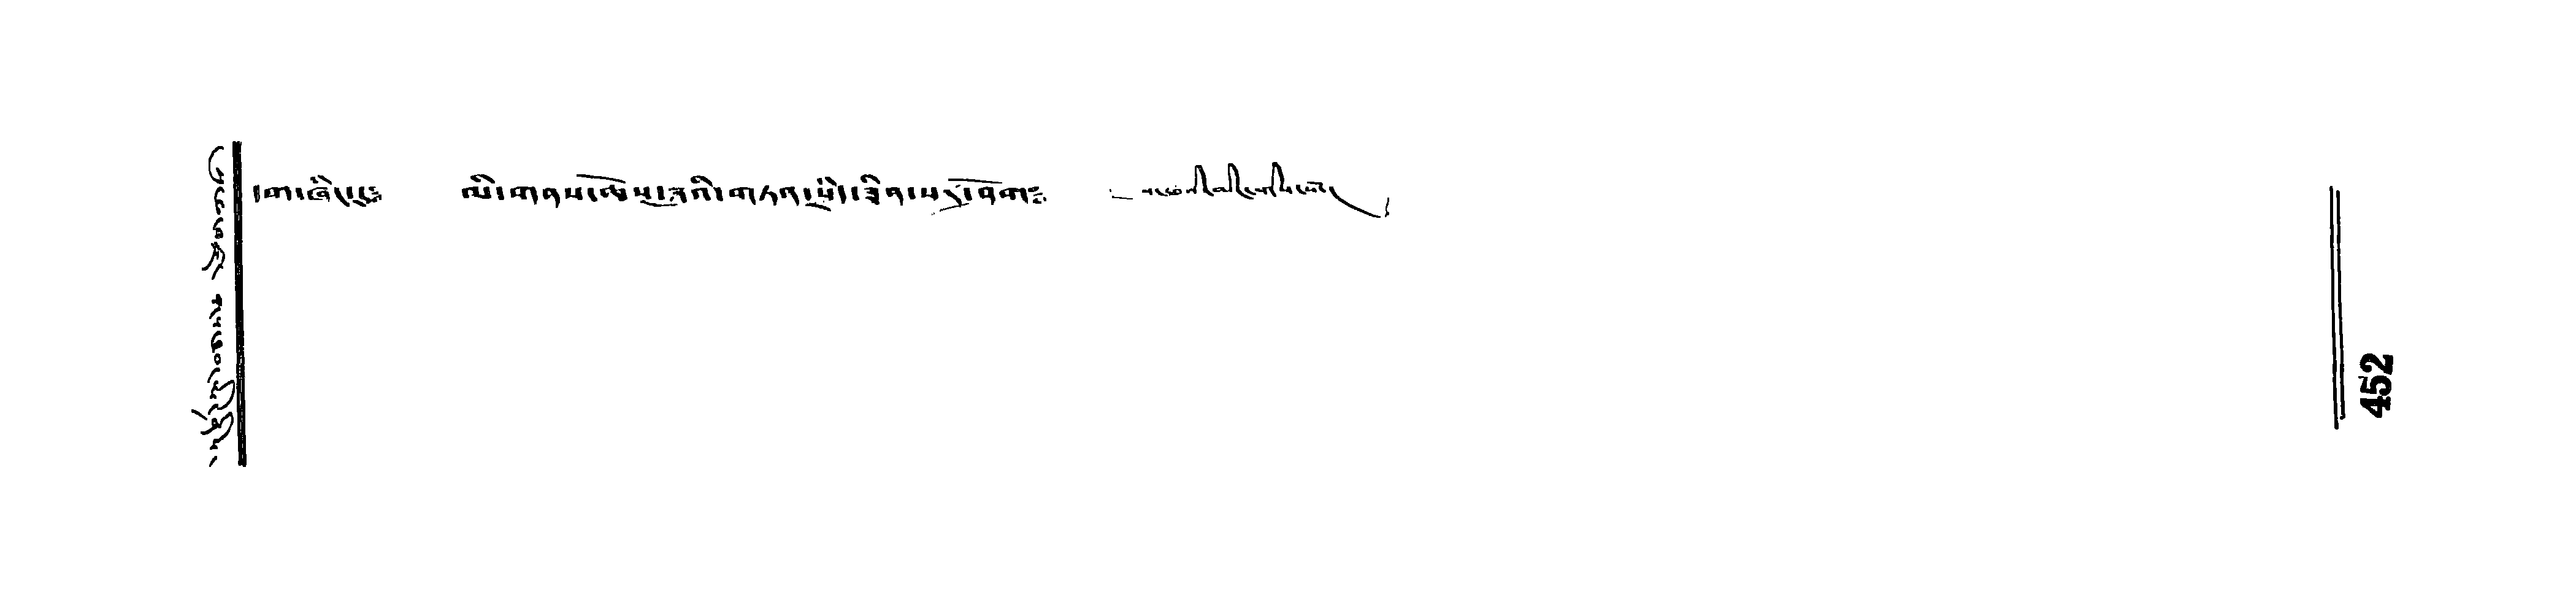དག་ཞིང་དུ༔ མི་གནས་ཆོས་སྐུའི་གཏན་སྲིད་ཟིན་པར་ཤོག༔ སུ་ཁའི་མིང་གིས་སོ།།